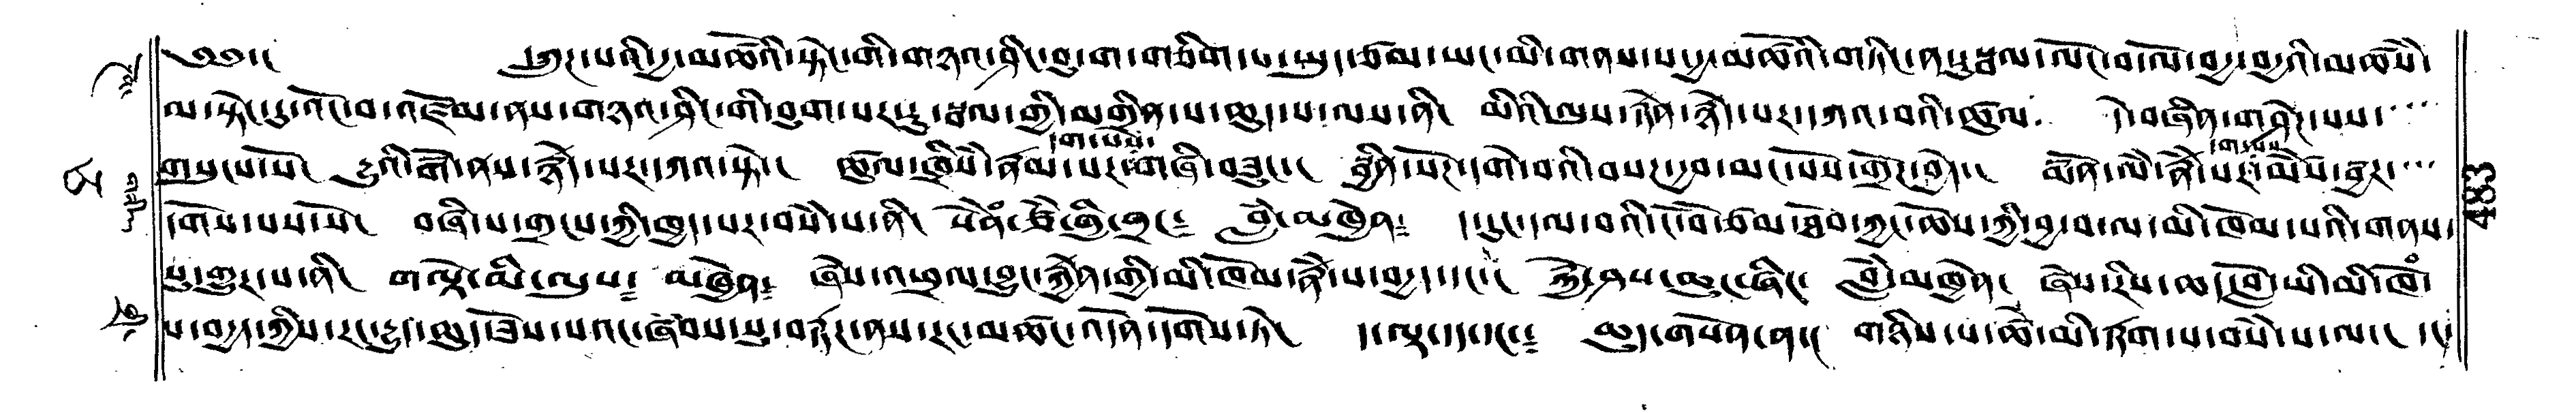དཀྲུགས་པའི་རྒྱ་མཚོའི་སྟེང་གི་གཉའ་ཤིང་བུ་ག་གཅིག་པ་ཡུད་ཙམ་ཡང་མི་གནས་པ་རྒྱ་མཚོའི་གཏིང་ན་རུས་སྦལ་ལོང་བ་ལོ་བརྒྱ་བརྒྱའི་མཚམས་
ལ་སྟེང་དུ་འོང་བ་འཛོམས་ནས་གཉའ་ཤིང་གི་བུ་གར་རུས་སྦལ་གྱི་མགྲིན་པ་ཚུད་པ་ལས་ནི། མིའི་ལུས་རྟེན་རྙེད་པར་དཀའ་བའི་ཚུལ། དེ་བཞིན་གཤེགས་པས་
གསུངས་སོ། རྒྱུའི་སྒོ་ནས་རྙེད་པར་དཀའ་སྟེ། ཚུལ་ཁྲིམས་རྣམ་པར་དག་པས་གཞི་བཟུང་། སྦྱིན་སོགས་དགེ་བའི་བསགས་རྒྱབ་མང་པོས་གྲོགས་བྱེད། སྨོན་ལམ་རྣམ་པར་དག་པས་མཚམས་སྦྱོར་
དགོས་པས་སོ། བཞི་པ་གྲངས་ཀྱི་ཁྱད་པར་བསམ་པ་ནི། སེམས་ཅན་ཙམ་གྱི་གྲངས༴ བླ་མ་མཁྱེན༴ ད་དུང་དལ་བའི་ངོ་བོ་ཙམ་ཐོབ་ཀྱང་ཆོས་ཀྱི་བྱ་བ་ལ་མི་ཁོམ་པའི་གནས་
སུ་གྱུར་པ་ནི། གལ་མི་ལུས༴ མཁྱེན༴ ཞེས་འཕྲལ་བྱུང་རྐྱེན་གྱི་མི་ཁོམ་རྣམ་པ་བརྒྱད་དང་། སྐྱོ་ཤས་ཆུང་ཞིང༴ བླ་མ་མཁྱེན༴ ཞེས་རིས་ཆད་བློ་ཡི་མི་ཁོམ་
པ་བརྒྱད་ཀྱིས་རང་རྒྱུད་ཆུད་ཟོས་པའང་ཞིབ་ཏུ་བརྟགས་ནས་རང་མཚང་འདོན་དགོས་ཏེ། ད་ལྟ་དད་དང༴ ཆུད་གསོན་ན། གཉིས་པ་ཚེ་མི་རྟག་པ་བསམ་པ་ལ། དང་